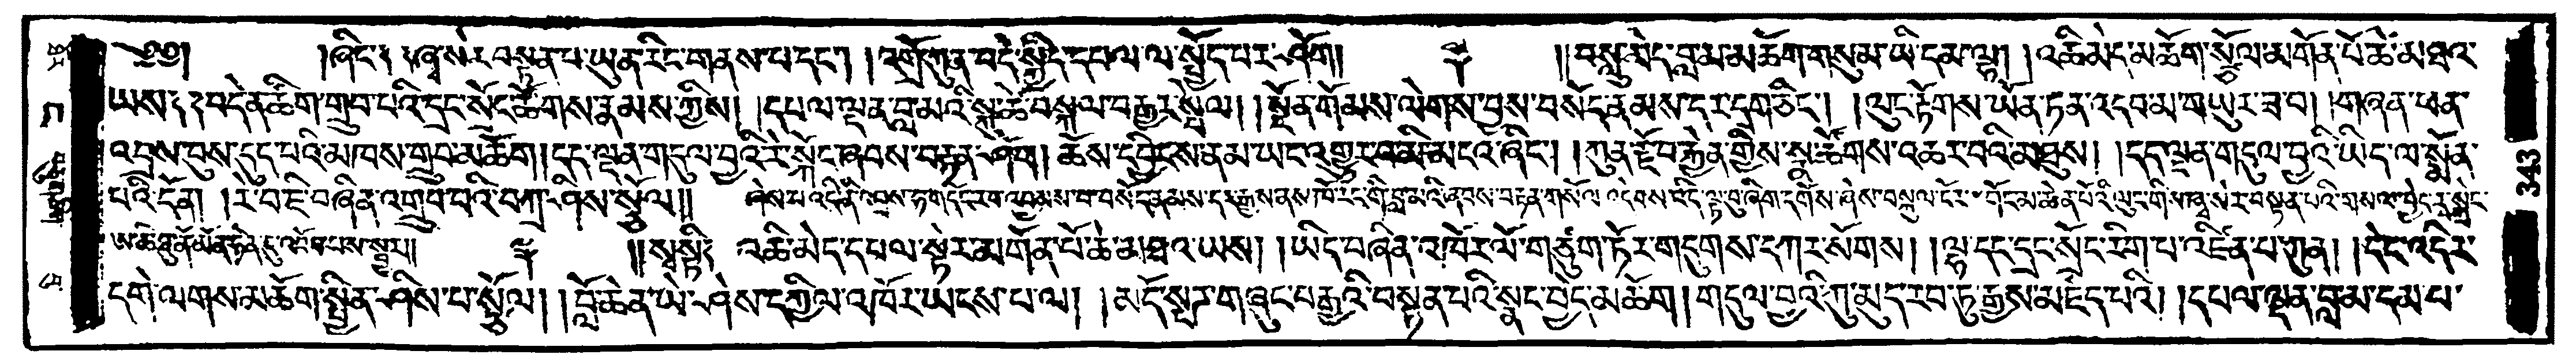༄༅། །ཞིང་། །ཞྭ་སེར་བསྟན་པ་ཡུན་རིང་གནས་པ་དང་། །འགྲོ་ཀུན་བདེ་སྐྱིད་དཔལ་ལ་སྤྱོད་པར་ཤོག། ༈ །།བསླུ་མེད་བླ་མ་མཆོག་གསུམ་ཡི་དམ་ལྷ། །འཆི་མེད་མཆོག་སྩོལ་མགོན་པོ་ཚེ་མཐའ་
ཡས། །བདེན་ཚིག་གྲུབ་པའི་དྲང་སྲོང་ཚོགས་རྣམས་ཀྱིས། །དཔལ་ལྡན་བླ་མའི་སྐུ་ཚེ་བསྐལ་བརྒྱར་སྤེལ། །སྔོན་གོམས་ལེགས་བྱས་བསོད་ནམས་དར་དྲག་ཅིང་། །ལུང་རྟོགས་ཡོན་ཏན་འདབ་མ་གཡུར་ཟ་བ། །གཞན་ཕན་
འབྲས་བུས་དུད་པའི་མཁས་གྲུབ་མཆོག །དད་ལྡན་གདུལ་བྱའི་རེ་སྐོང་ཞབས་བརྟན་ཤོག །ཆོས་དབྱིངས་ནམ་ཡང་འགྱུར་བ་མི་མངའ་ཞིང་། །ཀུན་རྫོབ་རྐྱེན་གྱིས་སྣ་ཚོགས་འཆར་བའི་མཐུས། །དད་ལྡན་གདུལ་བྱའི་ཡིད་ལ་སྨོན་
པའི་དོན། །རེ་བ་ཇི་བཞིན་འགྲུབ་པའི་བཀྲ་ཤིས་སྩོལ། །ཞེས་པ་འདི་ནི་འབྲས་ཧ་གདོང་རབ་འབྱམས་པ་བསོད་ནམས་དར་རྒྱས་ནས་ཁོ་རང་གི་བླ་མའི་ཞབས་བརྟན་གསོལ་འདེབས་འདི་ལྟ་བུ་ཞིག་དགོས་ཞེས་བསྐུལ་ངོར ༧གོང་མ་ཆེན་པོའི་ལུང་གིས་ཞྭ་སེར་བསྟན་པའི་གསལ་བྱེད་རྭ་སྒྲེང་
ཨ་ཆི་ཐུ་ནོ་མོན་ཧེན་དུ་འབོབ་པས་སྦྱར།། ༈ །།སྭསྟི། འཆི་མེད་དཔལ་སྟེར་མགོན་པོ་ཆེ་མཐའ་ཡས། །ཡིད་བཞིན་འཁོར་ལོ་གཙུག་ཏོར་གདུགས་དཀར་སོགས། །ལྷ་དང་དྲང་སྲོང་རིག་པ་འཛིན་པ་ཀུན། །དེང་འདིར་
དགེ་ལགས་མཆོག་སྦྱིན་ཤིས་པ་སྩོལ། །བློ་ཆེན་ཡེ་ཤེས་དཀྱིལ་འཁོར་ཡངས་པ་ལ། །མདོ་སྔཌ་གཞུང་བརྒྱའི་བསྟན་པའི་སྣང་བྱེད་མཆོག །གདུལ་བྱའི་ཀུ་མུད་རབ་ཏུ་རྒྱས་མཛད་པའི། །དཔལ་ལྡན་བླ་མ་དམ་པ་